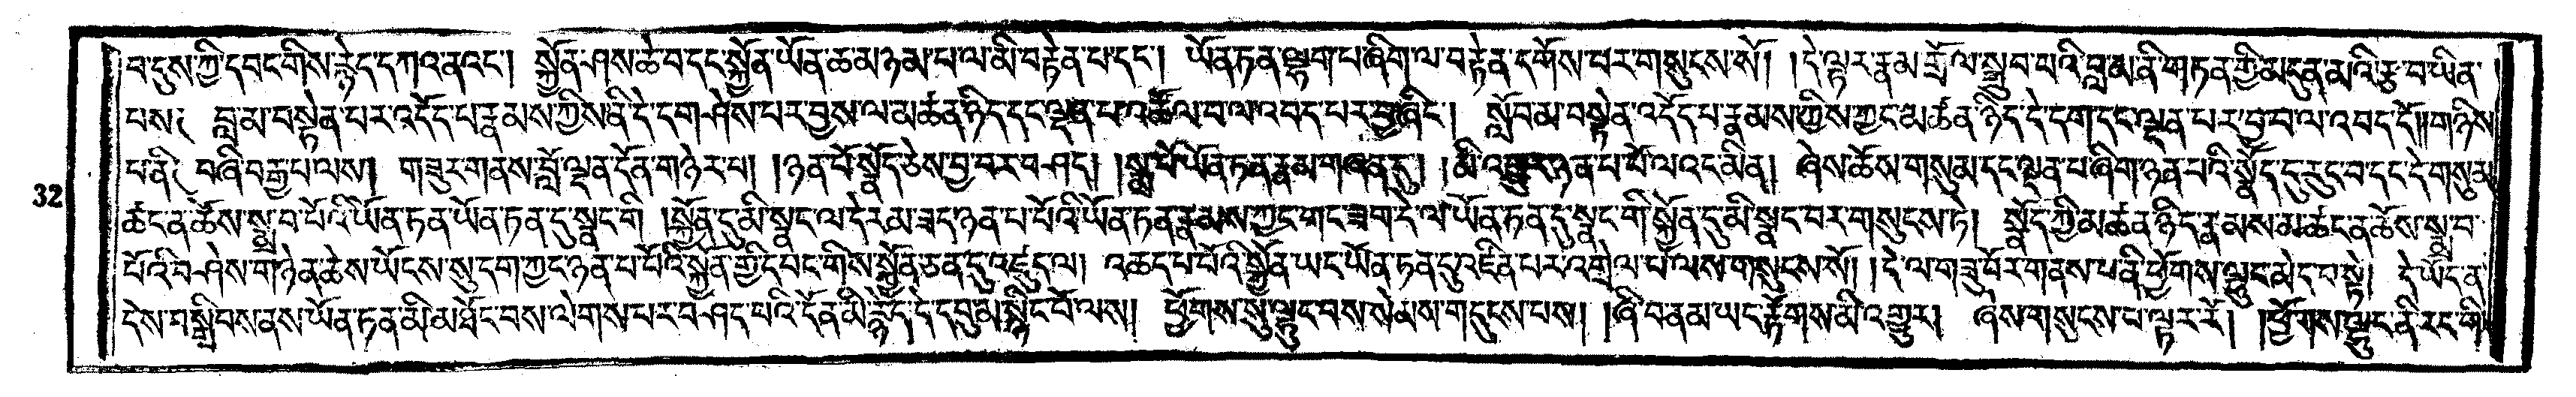བ་དུས་ཀྱི་དབང་གིས་རྙེད་དཀའ་ནའང་། སྐྱོན་ཤས་ཆེ་བ་དང་སྐྱོན་ཡོན་ཆ་མཉམ་པ་ལ་མི་བརྟེན་པ་དང་། ཡོན་ཏན་ལྷག་པ་ཞིག་ལ་བརྟེན་དགོས་པར་གསུངས་སོ། །དེ་ལྟར་རྣམ་གྲོལ་སྒྲུབ་པའི་བླ་མ་ནི་གཏན་གྱི་མདུན་མའི་རྩ་བ་ཡིན་
པས༑ བླ་མ་བསྟེན་པར་འདོད་པ་རྣམས་ཀྱིས་ནི་དེ་དག་ཤེས་པར་བྱས་ལ་མཚན་ཉིད་དང་ལྡན་པ་འཚོལ་བ་ལ་འབད་པར་བྱ་ཞིང་། སློབ་མ་བསྟེན་འདོད་པ་རྣམས་ཀྱིས་ཀྱང་མཚན་ཉིད་དེ་དག་དང་ལྡན་པར་བྱ་བ་ལ་འབད་དོ། །གཉིས་
པ་ནི༑ བཞི་བརྒྱ་པ་ལས། གཟུར་གནས་བློ་ལྡན་དོན་གཉེར་པ། །ཉན་པོ་སྣོད་ཅེས་བྱ་བར་བཤད། །སྨྲ་པོ་ཡོན་ཏན་རྣམ་གཞན་དུ། །མི་འགྱུར་ཉན་པ་པོ་ལའང་མིན། ཞེས་ཆོས་གསུམ་དང་ལྡན་པ་ཞིག་ཉན་པའི་སྣོད་དུ་རུང་བ་དང་དེ་གསུམ་
ཚང་ན་ཆོས་སྨྲ་བ་པོའི་ཡོན་ཏན་ཡོན་ཏན་དུ་སྣང་གི །སྐྱོན་དུ་མི་སྣང་ལ་དེར་མ་ཟད་ཉན་པ་པོའི་ཡོན་ཏན་རྣམས་ཀྱང་གང་ཟག་དེ་ལ་ཡོན་ཏན་དུ་སྣང་གི་སྐྱོན་དུ་མི་སྣང་བར་གསུངས་ཏེ། སྣོད་ཀྱི་མཚན་ཉིད་རྣམས་མ་ཚང་ན་ཆོས་སྨྲ་བ་
པོའི་བཤེས་གཉེན་ཆེས་ཡོངས་སུ་དག་ཀྱང་ཉན་པ་པོའི་སྐྱོན་གྱི་དབང་གིས་སྐྱོན་ཅན་དུ་འཛུད་ལ། འཆད་པ་པོའི་སྐྱོན་ཡང་ཡོན་ཏན་དུ་འཛིན་པར་འགྲེལ་པ་ལས་གསུངས་སོ། །དེ་ལ་གཟུ་བོར་གནས་པ་ནི་ཕྱོགས་ལྷུང་མེད་པ་སྟེ། དེ་ཡང་ན་
དེས་བསྒྲིབས་ནས་ཡོན་ཏན་མི་མཐོང་བས་ལེགས་པར་བཤད་པའི་དོན་མི་རྙེད་དེ་དབུ་མ་སྙིང་པོ་ལས། ཕྱོགས་སུ་ལྷུང་བས་སེམས་གདུངས་པས། །ཞི་བ་ནམ་ཡང་རྟོགས་མི་འགྱུར། ཞེས་གསུངས་པ་ལྟར་རོ། །ཕྱོགས་ལྷུང་ནི་རང་གི་